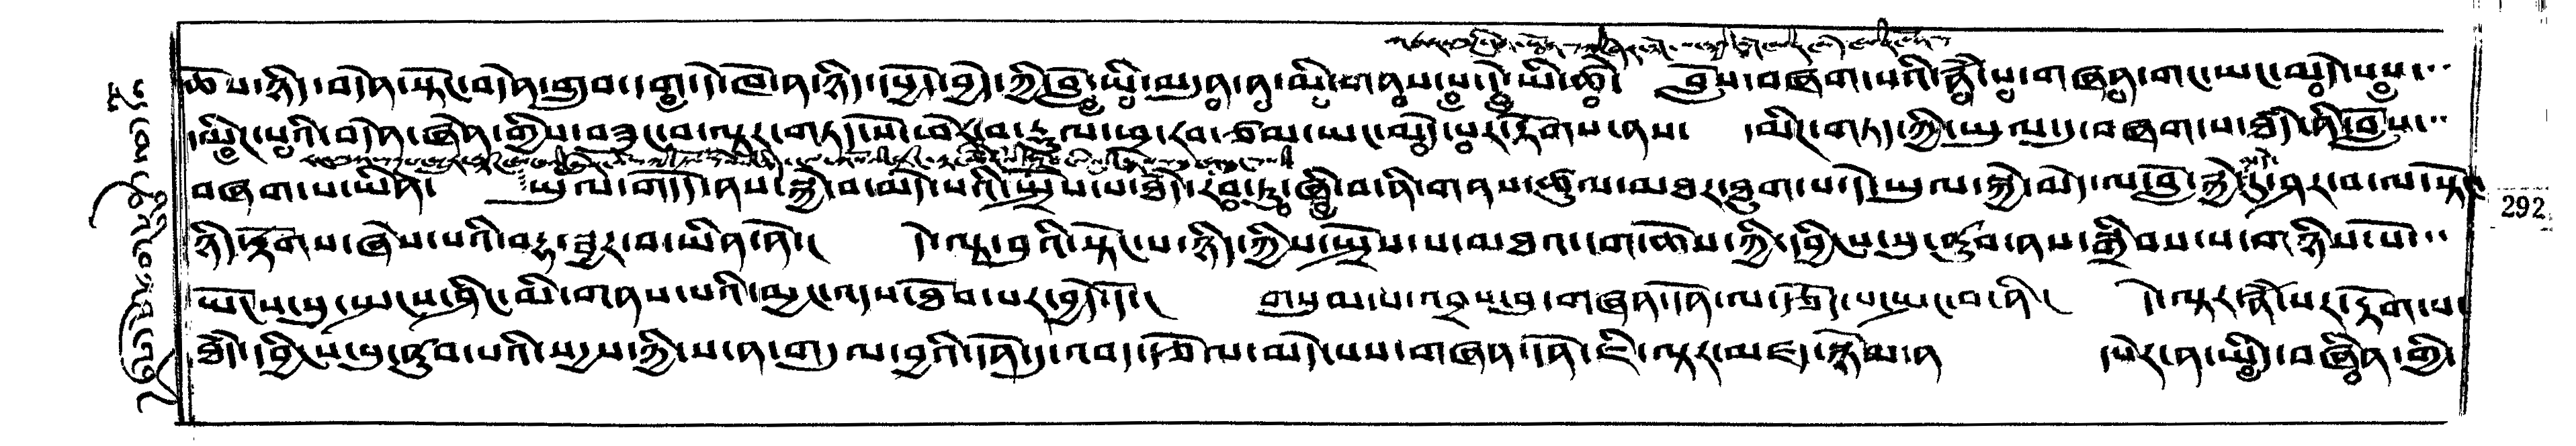ཆོས་ཉིད་བདེན་སྟོང་བདེན་གྲུབ་དག་དེ་ཁོ་ན་ཉིད་དཔྱོད་བྱེད་ཀྱི་བློ་ཡི་མདུན་ན་མི་གནས་པ་དེ་ཡི་ཚེ། གཞན་ལུགས་དགེ་ཕྱོགས་ཀྱི་བདེན་སྟོང་ས་སྐྱའི་ཡོད་མིན་མེད་མིན་སོགས། བློས་བཞག་པའི་རྣམ་པ་གཞན་གང་ཡང་མེད་པས་
དམིགས་པའི་བདེན་ཞེན་གྱིས་བཟུང་བ་ལྟར་གཏད་སོ་ཕེར་བ་རྡུལ་ཕྲ་རབ་ཙམ་ཡང་མཻད་པར་རྟོགས་ནས། དམིགས་གཏད་ཀྱི་ཡུལ་དུ་བཞག་པ་ཐམས་ཅད་ནི་བློས་
བཞག་པ་ཡིན། རང་ལུགས་སྔ་འགྱུར་རྙིང་མ་བའི་ཀུན་མཁྱེན་ཆོས་ཀྱི་རྒྱལ་པོས་སེམས་ཉིད་ངལ་གསོའི་ཤིང་རྟ་ཆེན་མོའི་ཤེས་རབ་ལེའུའི་སྐབས་སུ་གསུངས་པའི། ཡུལ་གདོད་ནས་སྐྱེ་བ་མེད་པའི་སྤྲོས་པ་ཐམས་ཅད་རབ་ཏུ་ཞི་བ་ནི་གནས་ཚུལ་མཐར་ཐུག་པ་དེ་ཡུལ་སྐྱེ་མེད་ལ་བློ་སྐྱེ་མེད་དུ་ཤར་བ་ལ་སྟོང་
ཉིད་རྟོགས་ཞེས་པའི་བརྡ་སྦྱར་བ་ཡིན་ནོ།། དེ་ལྟ་བུའི་སྟོང་པ་ཉིད་ཀྱིས་སྤྲོས་པ་མཐའ་དག་ཆོས་ཀྱི་དབྱིངས་སུ་ནུབ་ནས་སྒྲིབ་པ་གཉིས་པོ་
ཡོངས་སུ་སྤངས་ཤིང་མི་གནས་པའི་མྱང་འདས་ཐོབ་པར་བྱེད་དོ། གསུམ་པ་འབྲས་བུ་གཞན་དོན་ལ་རྩོད་པ་སྤོང་བ་ནི། དེ་ལྟར་རྣམ་པར་རྟོག་པ་
ཐམས་ཅད་དབྱིངས་སུ་ནུབ་པའི་སངས་རྒྱས་ཀྱི་ས་ན་གདུལ་བྱའི་དོན་དུ་འབད་རྩོལ་མེད་པས་གཞན་དོན་ཇི་ལྟར་མཛད་སྙམ་ན། དཔེར་ན་ཡིད་བཞིན་གྱི་